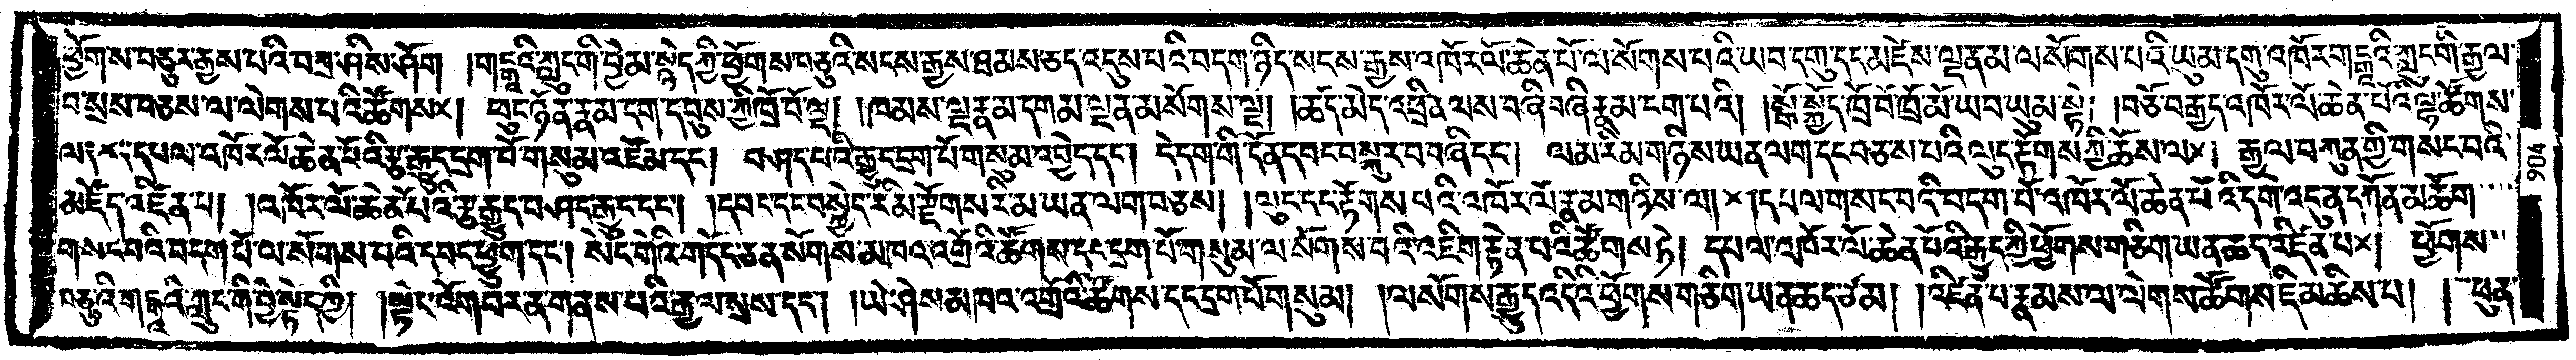ཕྱོགས་བཅུར་རྒྱས་པའི་བཀྲ་ཤིས་ཤོག །གངགཱའི་ཀླུང་གི་བྱེ་མ་སྙེད་ཀྱི་ཕྱོགས་བཅུའི་སངས་རྒྱས་ཐམས་ཅད་འདུས་པའི་བདག་ཉིད་སངས་རྒྱས་འཁོར་ལོ་ཆེན་པོ་ལ་སོགས་པའི་ཡབ་དགུ་དང་མཛེས་ལྡན་མ་ལ་སོགས་པའི་ཡུམ་དགུ་འཁོར་གངགཱའི་ཀླུང་གི་རྒྱལ་
བ་སྲས་བཅས་ལ་ལེགས་པའི་ཚོགས་྾། ཕུང་ཉོན་རྣམ་དག་དབུས་ཀྱི་ཁྲོ་བོ་ལྔ། །ཁམས་ལྔ་རྣམ་དག་མ་ལྡན་མ་སོགས་ལྔ། །ཚད་མེད་འཕྲིན་ལས་བཞི་བཞི་རྣམ་ངག་པའི། །སྒོ་སྐྱོད་ཁྲོ་བོ་ཁྲོ་བོ་ཁྲོ་མོ་ཡབ་ཡུམ་སྟེ། །བཅོ་བརྒྱད་འཁོར་ལོ་ཆེན་པོའི་ལྷ་ཚོགས་
ལ༑ ྾་༑དཔལ་འཁོར་ལོ་ཆེན་པོའི་རྩ་རྒྱུད་དྲག་པོ་གསུམ་འཛོམ་དང་། བཤད་པའི་རྒྱུད་དྲག་པོ་གསུམ་འབྱེད་དང་། དེ་དག་གི་དོན་དབང་བསྐུར་བ་བཞི་དང་། ལམ་རིམ་གཉིས་ཡན་ལག་དང་བཅས་པའི་ལུང་རྟོགས་ཀྱི་ཆོས་ལ་྾་།རྒྱལ་བཀུན་གྱི་གསང་པའི་
མཛོད་འཛིན་པ། །འཁོར་ལོ་ཆེན་པོའི་རྩ་རྒྱུད་བཤད་རྒྱུད་དང་། །དབང་དང་བསྐྱེད་རིམ་རྫོགས་རི་མ་ཡན་ལག་བཅས། །ལུང་དང་རྟོགས་པའི་འཁོར་ལོ་རྣམ་གཉིས་ལ། ྾་།དཔལ་གསང་བའི་བདག་པོ་འཁོར་ལོ་ཆེན་པོའི་དགེ་འདུན་དཀོན་མཆོག་
གསང་བའི་བདག་པོ་ལ་སོགས་པའི་དབང་ཕྱུག་དང་། སེང་གེའི་གདོང་ཅན་སོགས་མཁའ་འགྲོའི་ཚོགས་དང་དྲག་པོ་གསུམ་ལ་སོགས་པའི་འཇིག་རྟེན་པའི་ཚོགས་ཏེ། དཔལ་འཁོར་ལོ་ཆེན་པོའི་རྒྱུད་ཀྱི་ཕྱོགས་གཅིག་ཡན་ཆད་འཛིན་པ་྾། ཕྱོགས་
བཅུའི་གངགཱའི་ཀླུང་གི་བྱེ་སྟེང་ཀྱི། །སྟེང་འོག་པར་ན་གནས་པའི་རྒྱལ་སྲས་དང་། །ཡེ་ཤེས་མཁའ་འགྲོའི་ཚོགས་དང་དྲག་པོ་གསུམ། །ལ་སོགས་རྒྱུད་འདིའི་ཕྱོགས་གཅིག་ཡན་ཆད་ཙམ། །འཛིན་པ་རྣམས་ལ་ལེགས་ཚོགས་ཇི་མཆིས་པ། །ཕུན་